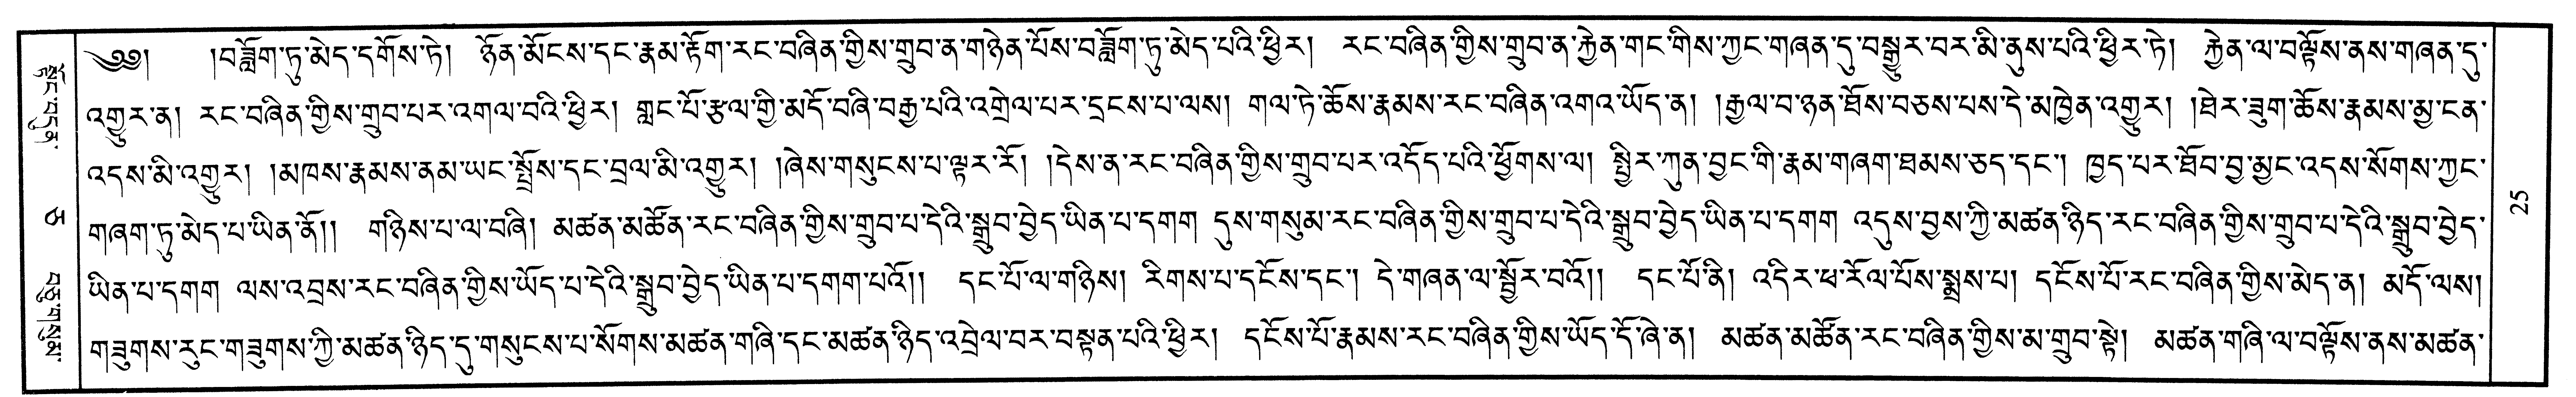༄༅། །བཟློག་ཏུ་མེད་དགོས་ཏེ། ཉོན་མོངས་དང་རྣམ་རྟོག་རང་བཞིན་གྱིས་གྲུབ་ན་གཉེན་པོས་བཟློག་ཏུ་མེད་པའི་ཕྱིར། རང་བཞིན་གྱིས་གྲུབ་ན་རྐྱེན་གང་གིས་ཀྱང་གཞན་དུ་བསྒྱུར་བར་མི་ནུས་པའི་ཕྱིར་ཏེ། རྐྱེན་ལ་བལྟོས་ནས་གཞན་དུ་
འགྱུར་ན། རང་བཞིན་གྱིས་གྲུབ་པར་འགལ་བའི་ཕྱིར། གླང་པོ་རྩལ་གྱི་མདོ་བཞི་བརྒྱ་པའི་འགྲེལ་པར་དྲངས་པ་ལས། གལ་ཏེ་ཆོས་རྣམས་རང་བཞིན་འགའ་ཡོད་ན། །རྒྱལ་བ་ཉན་ཐོས་བཅས་པས་དེ་མཁྱེན་འགྱུར། །ཐེར་ཟུག་ཆོས་རྣམས་མྱ་ངན་
འདས་མི་འགྱུར། །མཁས་རྣམས་ནམ་ཡང་སྤྲོས་དང་བྲལ་མི་འགྱུར། །ཞེས་གསུངས་པ་ལྟར་རོ། །དེས་ན་རང་བཞིན་གྱིས་གྲུབ་པར་འདོད་པའི་ཕྱོགས་ལ། སྤྱིར་ཀུན་བྱང་གི་རྣམ་གཞག་ཐམས་ཅད་དང་། ཁྱད་པར་ཐོབ་བྱ་མྱང་འདས་སོགས་ཀྱང་
གཞག་ཏུ་མེད་པ་ཡིན་ནོ།། གཉིས་པ་ལ་བཞི། མཚན་མཚོན་རང་བཞིན་གྱིས་གྲུབ་པ་དེའི་སྒྲུབ་བྱེད་ཡིན་པ་དགག །དུས་གསུམ་རང་བཞིན་གྱིས་གྲུབ་པ་དེའི་སྒྲུབ་བྱེད་ཡིན་པ་དགག་འདུས་བྱས་ཀྱི་མཚན་ཉིད་རང་བཞིན་གྱིས་གྲུབ་པ་དེའི་སྒྲུབ་བྱེད་
ཡིན་པ་དགག །ལས་འབྲས་རང་བཞིན་གྱིས་ཡོད་པ་དེའི་སྒྲུབ་བྱེད་ཡིན་པ་དགག་པའོ། དང་པོ་ལ་གཉིས། རིགས་པ་དངོས་དང་། དེ་གཞན་ལ་སྦྱོར་བའོ།། དང་པོ་ནི། འདིར་ཕ་རོལ་པོས་སྨྲས་པ། དངོས་པོ་རང་བཞིན་གྱིས་མེད་ན། མདོ་ལས།
གཟུགས་རུང་གཟུགས་ཀྱི་མཚན་ཉིད་དུ་གསུངས་པ་སོགས་མཚན་གཞི་དང་མཚན་ཉིད་འབྲེལ་བར་བསྟན་པའི་ཕྱིར། དངོས་པོ་རྣམས་རང་བཞིན་གྱིས་ཡོད་དོ་ཞེ་ན། མཚན་མཚོན་རང་བཞིན་གྱིས་མ་གྲུབ་སྟེ། མཚན་གཞི་ལ་བལྟོས་ནས་མཚན་